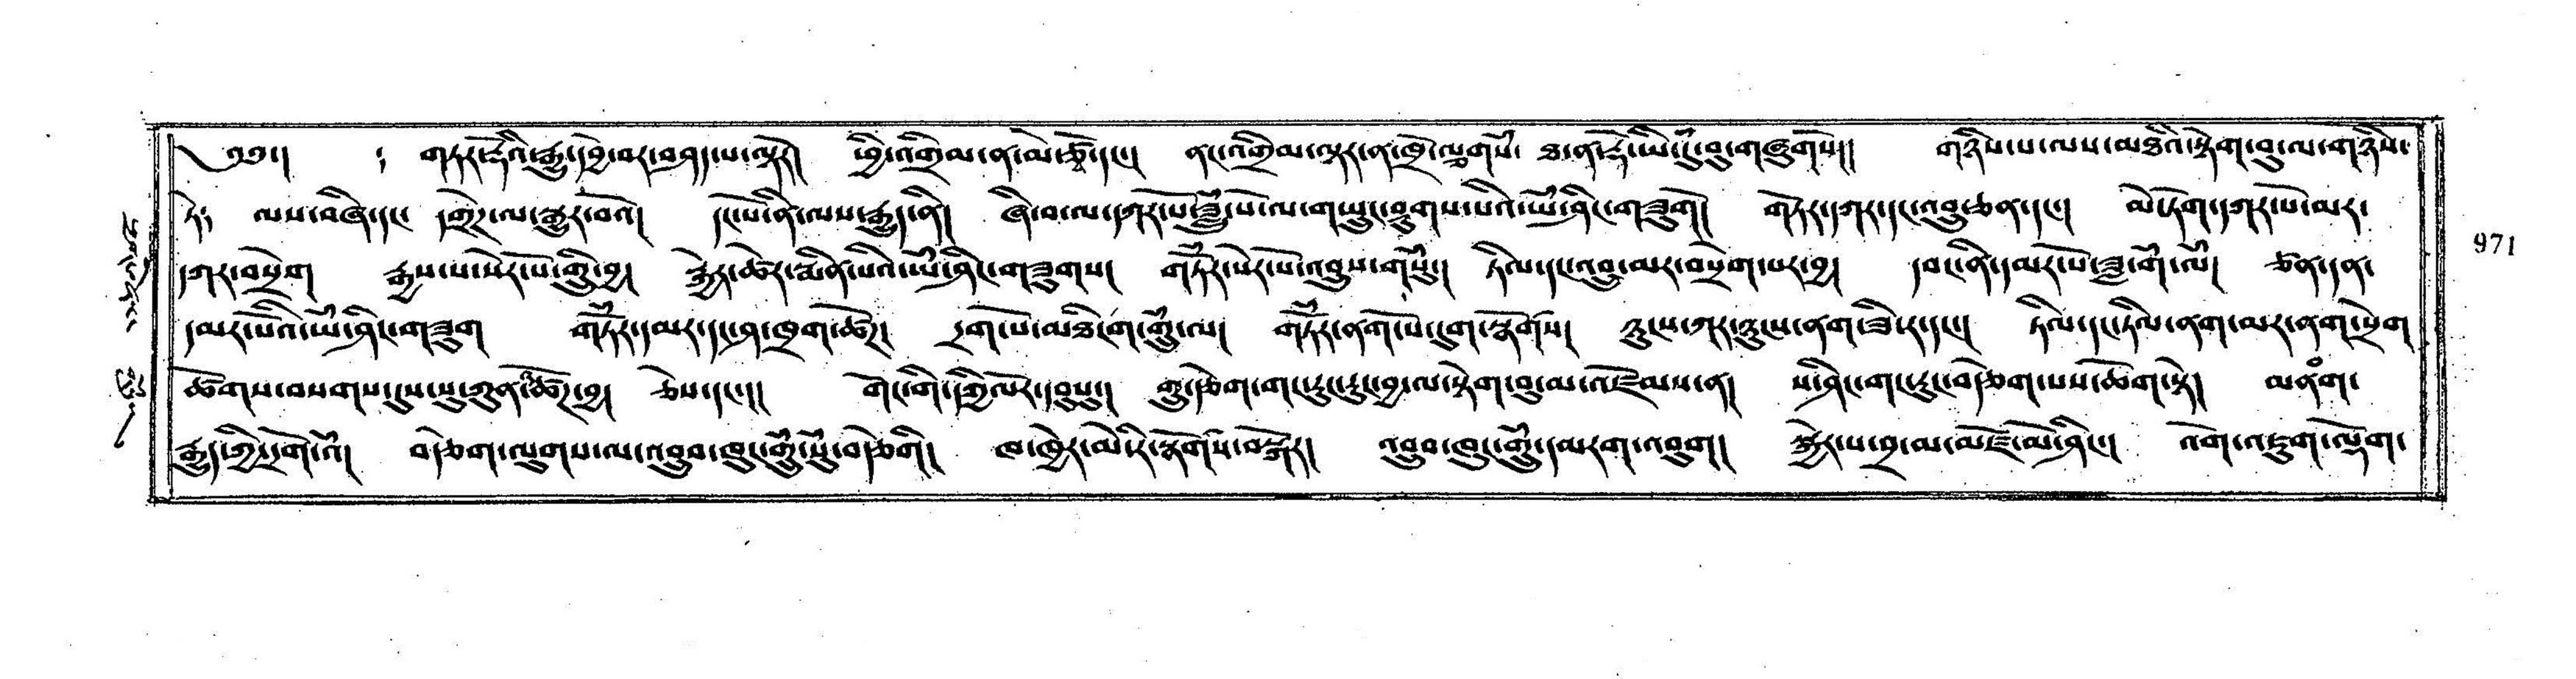གཏར་རྡོའི་རྒྱུ་དབྱེ་བར་བཤད་པ་ལྟར་རོ། ཕྱི་འགྲིམ་ན་མེ་ཙྭོ་དང་། ནང་འགྲིམ་ལྟར་ན་ཁྲོ་ལྕགསཾ་ཐ་ན་རྡོ་ཡི་དུམ་བུ་བཞུགས་སོ།། གཉིས་པ་ལས་མཐའི་སྟེག་བུ་ལ་གཉིས་
ཏེ། ལས་བཞི་དང་དགྲ་བགེགས་ལ་སྒྱུར་བའོ། དང་པོ་ནི་ལས་རྒྱུད་ནི། ཞི་བ་ལ་དཀར་པོ་ཟླུམ་པོ་ལ་གཡུང་དྲུང་ཤུགས་པའི་ཡཾ་ཤིང་གཟུག་གོ། གཏོར་དཀར་དང་འབྲུ་ཅན་དང་། མེ་ཏོག་དཀར་པོ་མར་
དཀར་བསྲེག རྒྱས་པ་སེར་པོ་གྲུ་བཞི་བྱ། སྐྱེར་ཚེར་སྨིན་པའི་ཡཾ་ཤིང་གཟུགས། གཏོར་མ་སེར་པོ་འབྲས་བུ་གསུམ། ཏིལ་དང་འབྲུ་མར་བསྲེག་པར་བྱ། དབང་ནི་དམར་པོ་ཟླ་གམ་ལམ། ཙན་དན་
དམར་པོའི་ཡཾ་ཤིང་གཟུག གཏོར་མ་དམར་དང་ཤ་ཁྲག་ཚོགས། དྲག་པོ་མཐིང་ནག་གྲུ་གསུམ་ལ། གཏོར་མ་ནག་པོ་དུག་སྣ་ཚོགས། ཉུངས་ཀར་ཉུངས་ནག་ཟི་ར་དང་། ཏིལ་དང་ཏིལ་ནག་མར་ནག་སྲེག། 
ཚོགས་བསགས་དུས་སུ་ཀུན་འཚོགས་བྱ། ཅེས་དང་།། གོང་གི་དཀྱིལ་འཁོར་དབུས་སུ། གྲུ་རྩེག་གང་རུང་རུང་བྱ་ལ་སྟེག་བུ་མ་འཛོམས་ན། ས་ཤིང་གང་རུང་བརྩེགས་པས་ཆོག་སྟེ། མན་ངག་
རྒྱུད་ཀྱི་དྲག་པོ་འམ། བརྩེག་ལུགས་ལ་འབྲུབ་ཁུང་གྲུ་གསུཾ་གསུམ་བརྩེག་གི ཁ་ཁྱེར་མེ་རི་སྣ་ཚོགས་བསྐོར། འབྲུབ་ཁུང་གྲུ་གསུམ་དམར་ནག་འབུག སྐྱེར་པ་བྲ་མ་མཛོ་མོ་ཤིང་། འོག་འཇུག་ལྡོག་